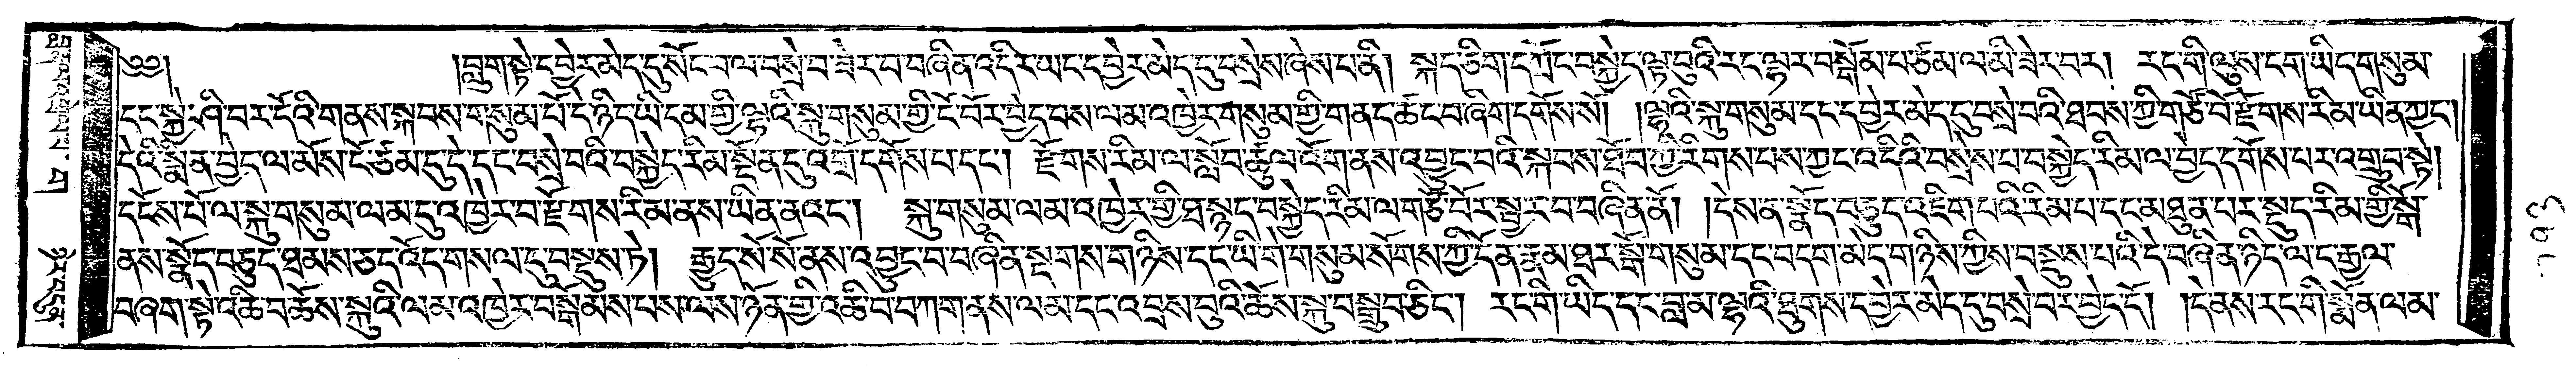༄༅། །བླུག་སྟེ་དབྱེར་མེད་དུ་སོང་བ་ལ་བསྲེ་བ་ཟེར་བ་བཞིན་འདིར་ཡང་དབྱེར་མེད་དུ་བསྲེས་ཞེས་པ་ནི། སྐད་ཅིག་དཀྲོང་བསྐྱེད་ལྟ་བུའི་རང་ལྷར་བསྒོམ་པ་ཙམ་ལ་མི་ཟེར་བར། རང་གི་ལུས་ངག་ཡིད་གསུམ་
དང་སྐྱེ་ཤི་བར་དོའི་གནས་སྐབས་གསུམ་པོ་དེ་ཉིད་ཡི་དམ་གྱི་ལྷའི་སྐུ་གསུམ་གྱི་ངོ་བོར་བྱེད་བས་ལམ་འཁྱེར་གསུམ་གྱི་གནད་ཚང་བ་ཞིག་དགོས་སོ། །ལྷའི་སྐུ་གསུམ་དང་དབྱེར་མེད་དུ་བསྲེ་བའི་ཐབས་ཀྱི་གཙོ་བོ་རྫོགས་རིམ་ཡིན་ཀྱང་།
དེའི་སྨན་བྱེད་ལ་མོས་ངོ་ཙམ་དུ་དེ་དང་བསྲེ་བའི་བསྐྱེད་རིམ་སྔོན་དུ་འགྲོ་དགོས་པ་དང་། རྫོགས་རིམ་ལ་སློབ་ཚུལ་འོག་ནས་འབྱུང་བའི་སྐབས་ཐོབ་ཀྱི་རིགས་པས་ཀྱང་འདིའི་བསྲེས་པ་བསྐྱེད་རིམ་ལ་བྱེད་དགོས་པར་འགྲུབ་སྟེ།
དངོས་པོ་ལ་སྐུ་གསུམ་ལམ་དུ་འཁྱེར་བརྫོགས་རིམ་ནས་ཡིན་ནའང་། སྐུ་གསུམ་ལམ་འཁྱེར་གྱི་ཐ་སྙད་བསྐྱེད་རིམ་ལ་གཙོ་བོར་སྦྱར་བ་བཞིན་ནོ། །དེས་ན་སྣོད་བཅུད་འཇིག་བའི་རིམ་པ་དང་མཐུན་པར་སྡུད་རིམ་གྱི་སྒོ་
ནས་སྣོད་བཅུད་ཐམས་ཅད་འོད་གསལ་དུ་བསྡུས་ཏེ། རྒྱུད་སོ་སོ་ནས་འབྱུང་བ་བཞིན་སྔགས་གཉིས་དང་ཡི་གེ་གསུམ་སོགས་ཀྱི་དོན་རྣམ་ཐར་སྒོ་གསུམ་དང་བདག་མེད་གཉིས་ཀྱིས་བསྡུམ་པའི་དེ་བཞིན་ཉིད་ལ་ང་རྒྱལ་
བཞག་སྟེང་ཆིབ་ཆོས་སྐུའི་ལམ་འཁྱེར་བསྒོམས་པས་ལས་ཉོན་གྱི་འཆི་བ་བཀག་ནས་ལམ་དང་འབྲས་བུའི་ཆོས་སྐུ་བསྒྲུབ་ཅིང་། རང་གི་ཡིད་དང་བླ་མ་ལྷའི་ཐུགས་དབྱེར་མེད་དུ་བསྲེ་བར་བྱེད་དོ། །དེ་ནས་རང་གི་སྨོན་ལམ་